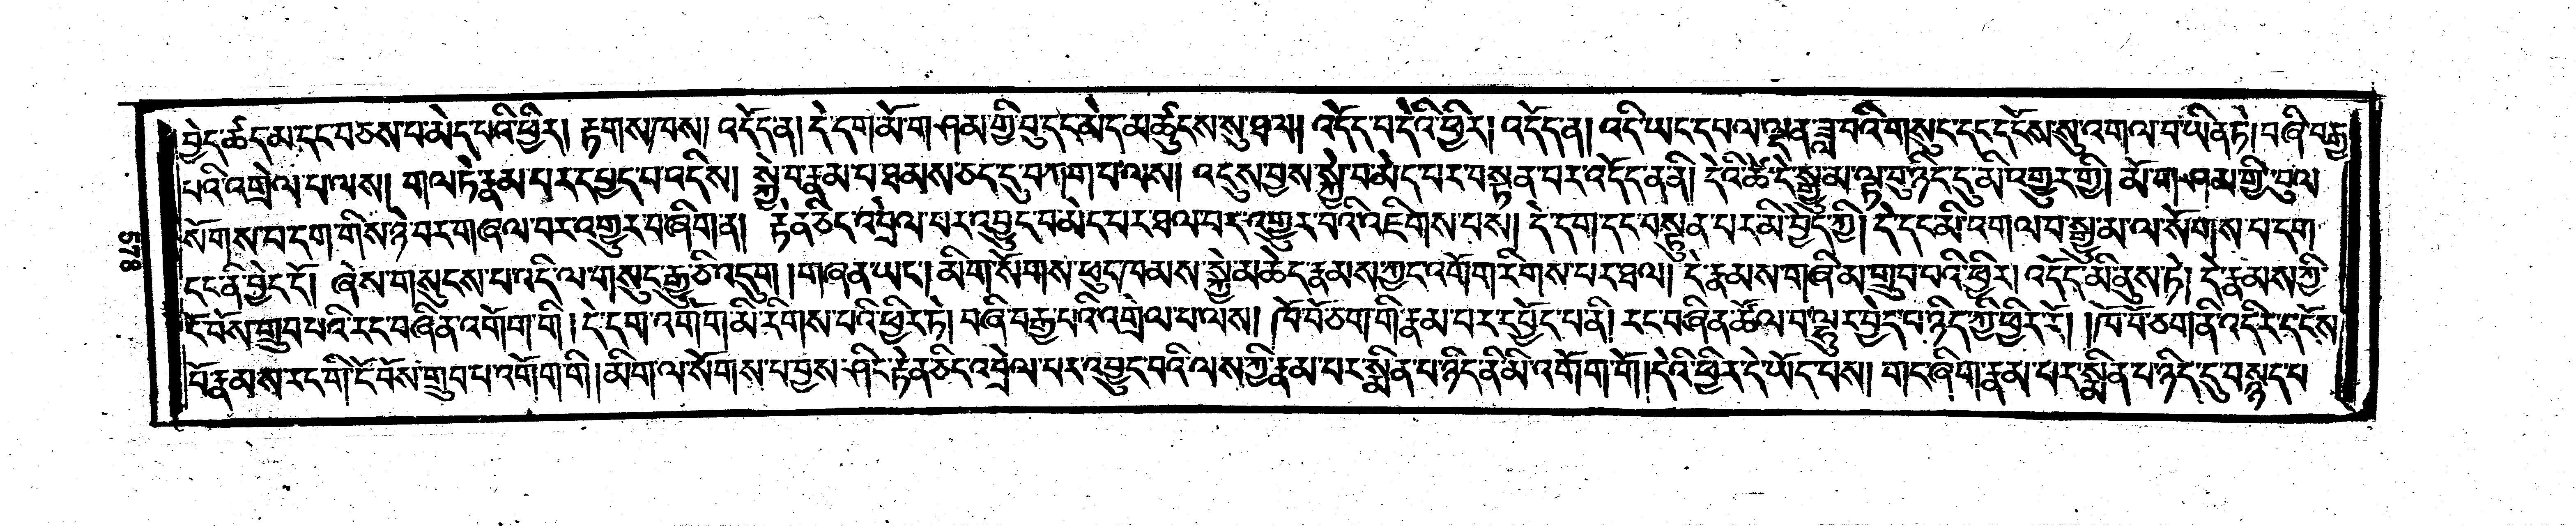བྱེད་ཚད་མ་དང་བཅས་པ་མེད་པའི་ཕྱིར། རྟགས་ཁས། འདོད་ན། དེ་དག་མོ་གཤམ་གྱི་བུ་དང་མེད་མཚུངས་སུ་ཐལ། འདོད་པ་དེའི་ཕྱིར། འདོད་ན། འདི་ཡང་དཔལ་ལྡན་ཟླ་བའི་གསུང་དང་དངོས་སུ་འགལ་བ་ཡིན་ཏེ། བཞི་བརྒྱ་
པའི་འགྲེལ་པ་ལས། གལ་ཏེ་རྣམ་པར་དཔྱད་པ་འདིས། སྐྱེ་བ་རྣམ་པ་ཐམས་ཅད་དུ་བཀག་པ་ལས། འདུས་བྱས་སྐྱེ་བ་མེད་པར་བསྟན་པར་འདོད་ན་ནི། དེའི་ཚེ་དེ་སྒྱུ་མ་ལྟ་བུ་ཉིདད་ཨུ་མི་འགྱུར་གྱི། མོ་གཤམ་གྱི་བུ་ལ་
སོགས་པ་དག་གིས་ཉེ་བར་གཞལ་བར་འགྱུར་བ་ཞིག་ན། རྟེན་ཅིང་འབྲེལ་པར་འགྱུར་བ་མེད་ཕྱིར་ཐལ་བར་འགྱུར་བའི་འཇིགས་པས། དེ་དག་དང་བསྟུན་པར་མི་བྱེད་ཀྱི། དེ་དང་མི་འགལ་བ་སྒྱུ་མ་ལ་སོགས་པ་དག་
དང་ནི་བྱེད་དོ། ཞེས་གསུངས་པ་འདི་ལ་གསུང་རྒྱུ་ཅི་འདུག །གཞན་ཡང་། མིག་སོགས་ཕུང་ཁམས་སྐྱེ་མཆེད་རྣམས་ཀྱང་འགོག་རིགས་པར་ཐལ། དེ་རྣམས་གཞི་མ་གྲུབ་པའི་ཕྱིར། འདོད་མི་ནུས་ཏེ། དེ་རྣམས་ཀྱི་
ངོ་བོས་གྲུབ་པའི་རང་བཞིན་འགོག་གི །དེ་དག་འགོག་མི་རིགས་པའི་ཕྱིར་ཏེ། བཞི་བརྒྱ་པའི་འགྲེལ་པ་ལས། ཁོ་བོ་ཅག་གི་རྣམ་པར་དཔྱོད་པ་ནི། རང་བཞིན་ཚོལ་བ་ལྷུར་བྱེད་པ་ཉིད་ཀྱི་ཕྱིར་རོ། །ཁོ་བོ་ཅག་ནི་འདིར་དངོས་
པོ་རྣམས་རང་གི་ངོ་བོས་གྲུབ་པ་འགོག་གི །མིག་ལ་སོགས་པ་བྱས་ཤིང་རྟེན་ཅིང་འབྲེལ་པར་འབྱུང་བའི་ལས་ཀྱི་རྣམ་པར་སྨིན་པ་ཉིད་ནི་མི་འགོག་གོ །དེའི་ཕྱིར་དེ་ཡོད་པས། གང་ཞིག་རྣམ་པར་སྨིན་པ་ཉིད་དུ་བསྙད་པ་